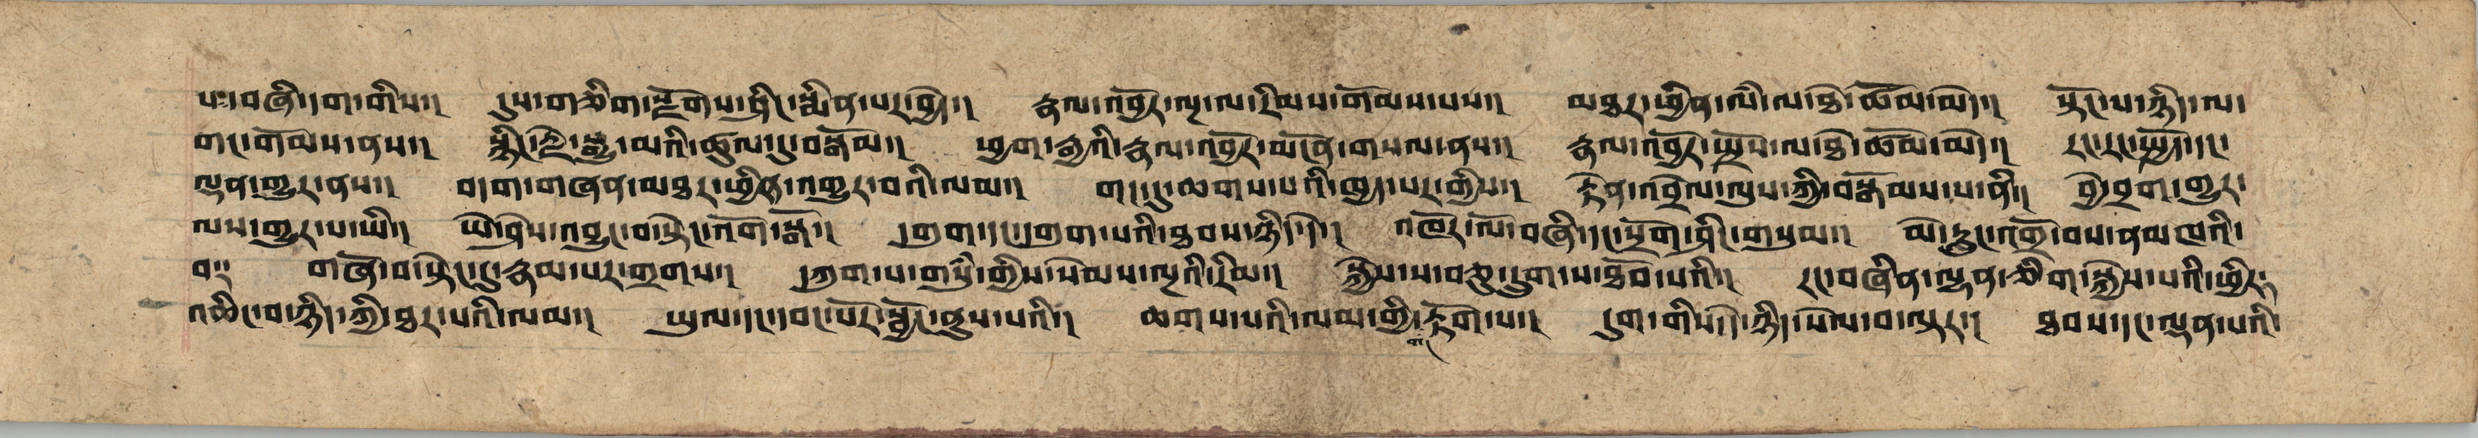པ་བཞི་དག་གིས་། དུས་གཅིག་སྫོགས་ཤིང་སྨིན་པར་བྱེད་། རྣལ་འབྱོར་ལྔ་ལ་རིམས་གོམས་པས་། མཐར་ཕྱིན་ལཾ་ལ་ཐེ་ཚོམ་མེད་། སྟོང་པ་ཉིད་ལ་
གང་གོམས་ནས་། སྙིང་རྗེ་སྒྱུ་མའི་ཚུལ་དུ་བསྒོམ་། ཕྱག་རྒྱའི་རྣལ་འབྱོར་མངོན་གསལ་ནས་། རྣལ་འབྱོར་སྤྲོས་ལ་ཐེ་ཚོམ་མེད་། རང་རང་སྤྱོད་དང་
ལྡན་གྱུར་ནས་། བདག་གཞན་མཐར་ཕྱིན་འགྱུར་བའི་ལམ་། གང་དུ་ཆགས་པའི་ཁྱད་པར་གྱིས་། རྟེན་འབྲེལ་ལུས་ཀྱི་བསྒོམས་པ་ནི་། བྱེ་བྲག་གྱུར་
ལས་གྱུར་པ་ཡི་། ཡེ་ཤེས་འབྱུང་བ་སྟེང་འོག་སྒོ་། དགུག་དང་དགུག་པའི་ཐབས་ཉིད་དེ་། འཁོར་ལོ་བཞི་དང་སྲོག་ཤིང་གསུམ་། མེ་རླུང་འགྲོ་བས་ནམཁའི་
བ༑ གཞོ་བ་སྟེང་དུ་རྣམ་པར་གྲགས་། དཀུག་པ་གསུཾ་གྱིས་སེམས་ལྔའི་རིམ་། སྐྱེས་པ་བཅུ་དྲུག་ས་ཐོབ་པའི་། རང་བཞིན་ལྷན་ཅིག་སྐྱེས་པའི་ཕྱིར་
འཆིང་བ་ཉིད་ཀྱི་ཐར་པའི་ལམ་། ཡུལ་དང་དབང་པོར་སྦྱོང་ནུས་པའི་། ཆགས་པའི་ལམ་གྱི་གོ་རྟོག་པ་། དུག་གིས་དེ་ཉིད་སེལ་བ་ལྟར་། ཐབས་དང་ལྡན་པའི་